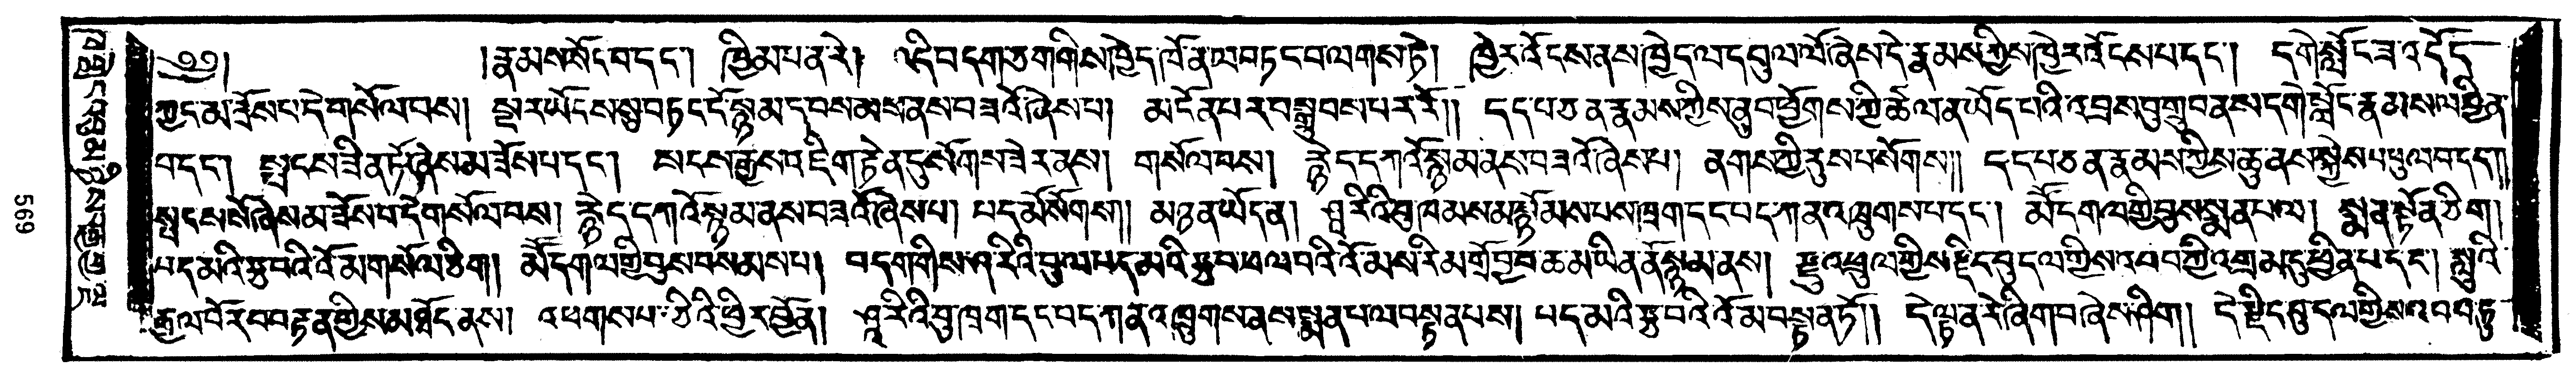༄༅། །རྣམས་སོང་བ་དང་། ཁྱིམ་པ་ན་རེ། འདི་བདག་ཅག་གིས་ཁྱེད་ཁོ་ན་ལ་བཏང་བ་ལགས་ཏེ། ཁྱེར་འོངས་ནས་ཁྱེད་ལ་དབུལ་ལོ་ཞེས་དེ་རྣམས་ཀྱིས་ཁྱེར་འོངས་པ་དང་། དགེ་སློང་ཟ་འདོད་
ཀྱང་མ་ཟོས་པ་དེ་གསོལ་བས། སྔར་ཡོངས་སུ་བཏང་ངོ་སྙམ་དུ་བསམས་ནས་བཟའོ་ཞེས་པ། མངོན་པར་བསྒྲུབས་པར་རོ།། དད་པ་ཅན་རྣམས་ཀྱིས་ནུབ་ཕྱོགས་ཀྱི་ཚལ་ན་ཡོད་པའི་འབྲས་བུ་གྲུབ་ནས་དགེ་སློང་རྣམས་ལ་བྱིན་
བ་དང་། སྤངས་ཟིན་ཏོ་ཞེས་མ་ཟོས་པ་དང་། སངས་རྒྱས་འཇིག་རྟེན་དུ་སོགས་ཟེར་ནས། གསོལ་བས། རྙེད་དཀའོ་སྙམ་ནས་བཟའོ་ཞེས་པ། ནགས་ཀྱི་རུས་པ་སོགས།། དད་པ་ཅན་རྣམས་ཀྱིས་ཆུ་ནས་སྐྱེས་པ་ཕུལ་བ་དང།།
སྤངས་སོ་ཞེས་མ་ཟོས་པ་དེ་གསོལ་བས། རྙེད་དཀའོ་སྙམ་ནས་བཟའོ་ཞེས་པ། པད་མོ་སོགས།། མཉན་ཡོད་ན། ཤཱ་རིའི་བུ་ཁམས་མ་སྙོམས་པས་ཁྲག་དང་པད་ཀན་འཁྲུགས་པ་དང་། མཽ་དགལ་གྱི་བུས་སྨན་པ་ལ། སྨན་སྟོན་ཅིག།
པད་མའི་རྩ་བའི་འོ་མ་གསོལ་ཅིག། མཽ་དགལ་གྱི་བུས་བསམས་པ། བདག་གིས་ཤ་རིའི་བུ་ལ་པད་མའི་རྩ་བ་ཕལ་བའི་འོ་མས་རིམ་གྲོ་བྱ་བ་ཆ་མ་ཡིན་ནོ་སྙམ་ནས། རྫུ་འཕྲུལ་གྱིས་རྫིང་བུ་དལ་གྱིས་འབབ་ཀྱི་འགྲམ་དུ་ཕྱིན་པ་དང་། སླུའི་
རྒྱལ་པོ་རབ་བརྟན་གྱིས་མཐོང་ནས། འཕགས་པ་ཅིའི་ཕྱིར་བྱོན། ཤཱ་རིའི་བུ་ཁྲག་དང་པད་ཀན་འཁྲུགས་ནས་སྨན་པ་ལ་བསྟན་པས། པད་མའི་རྩ་བའི་འོ་མ་བསྟན་ཏོ།། དེ་ལྟ་ན་རེ་ཞིག་བཞེས་ཤིག། དེ་རྫིང་བུ་དལ་གྱིས་འབབ་ཏུ་